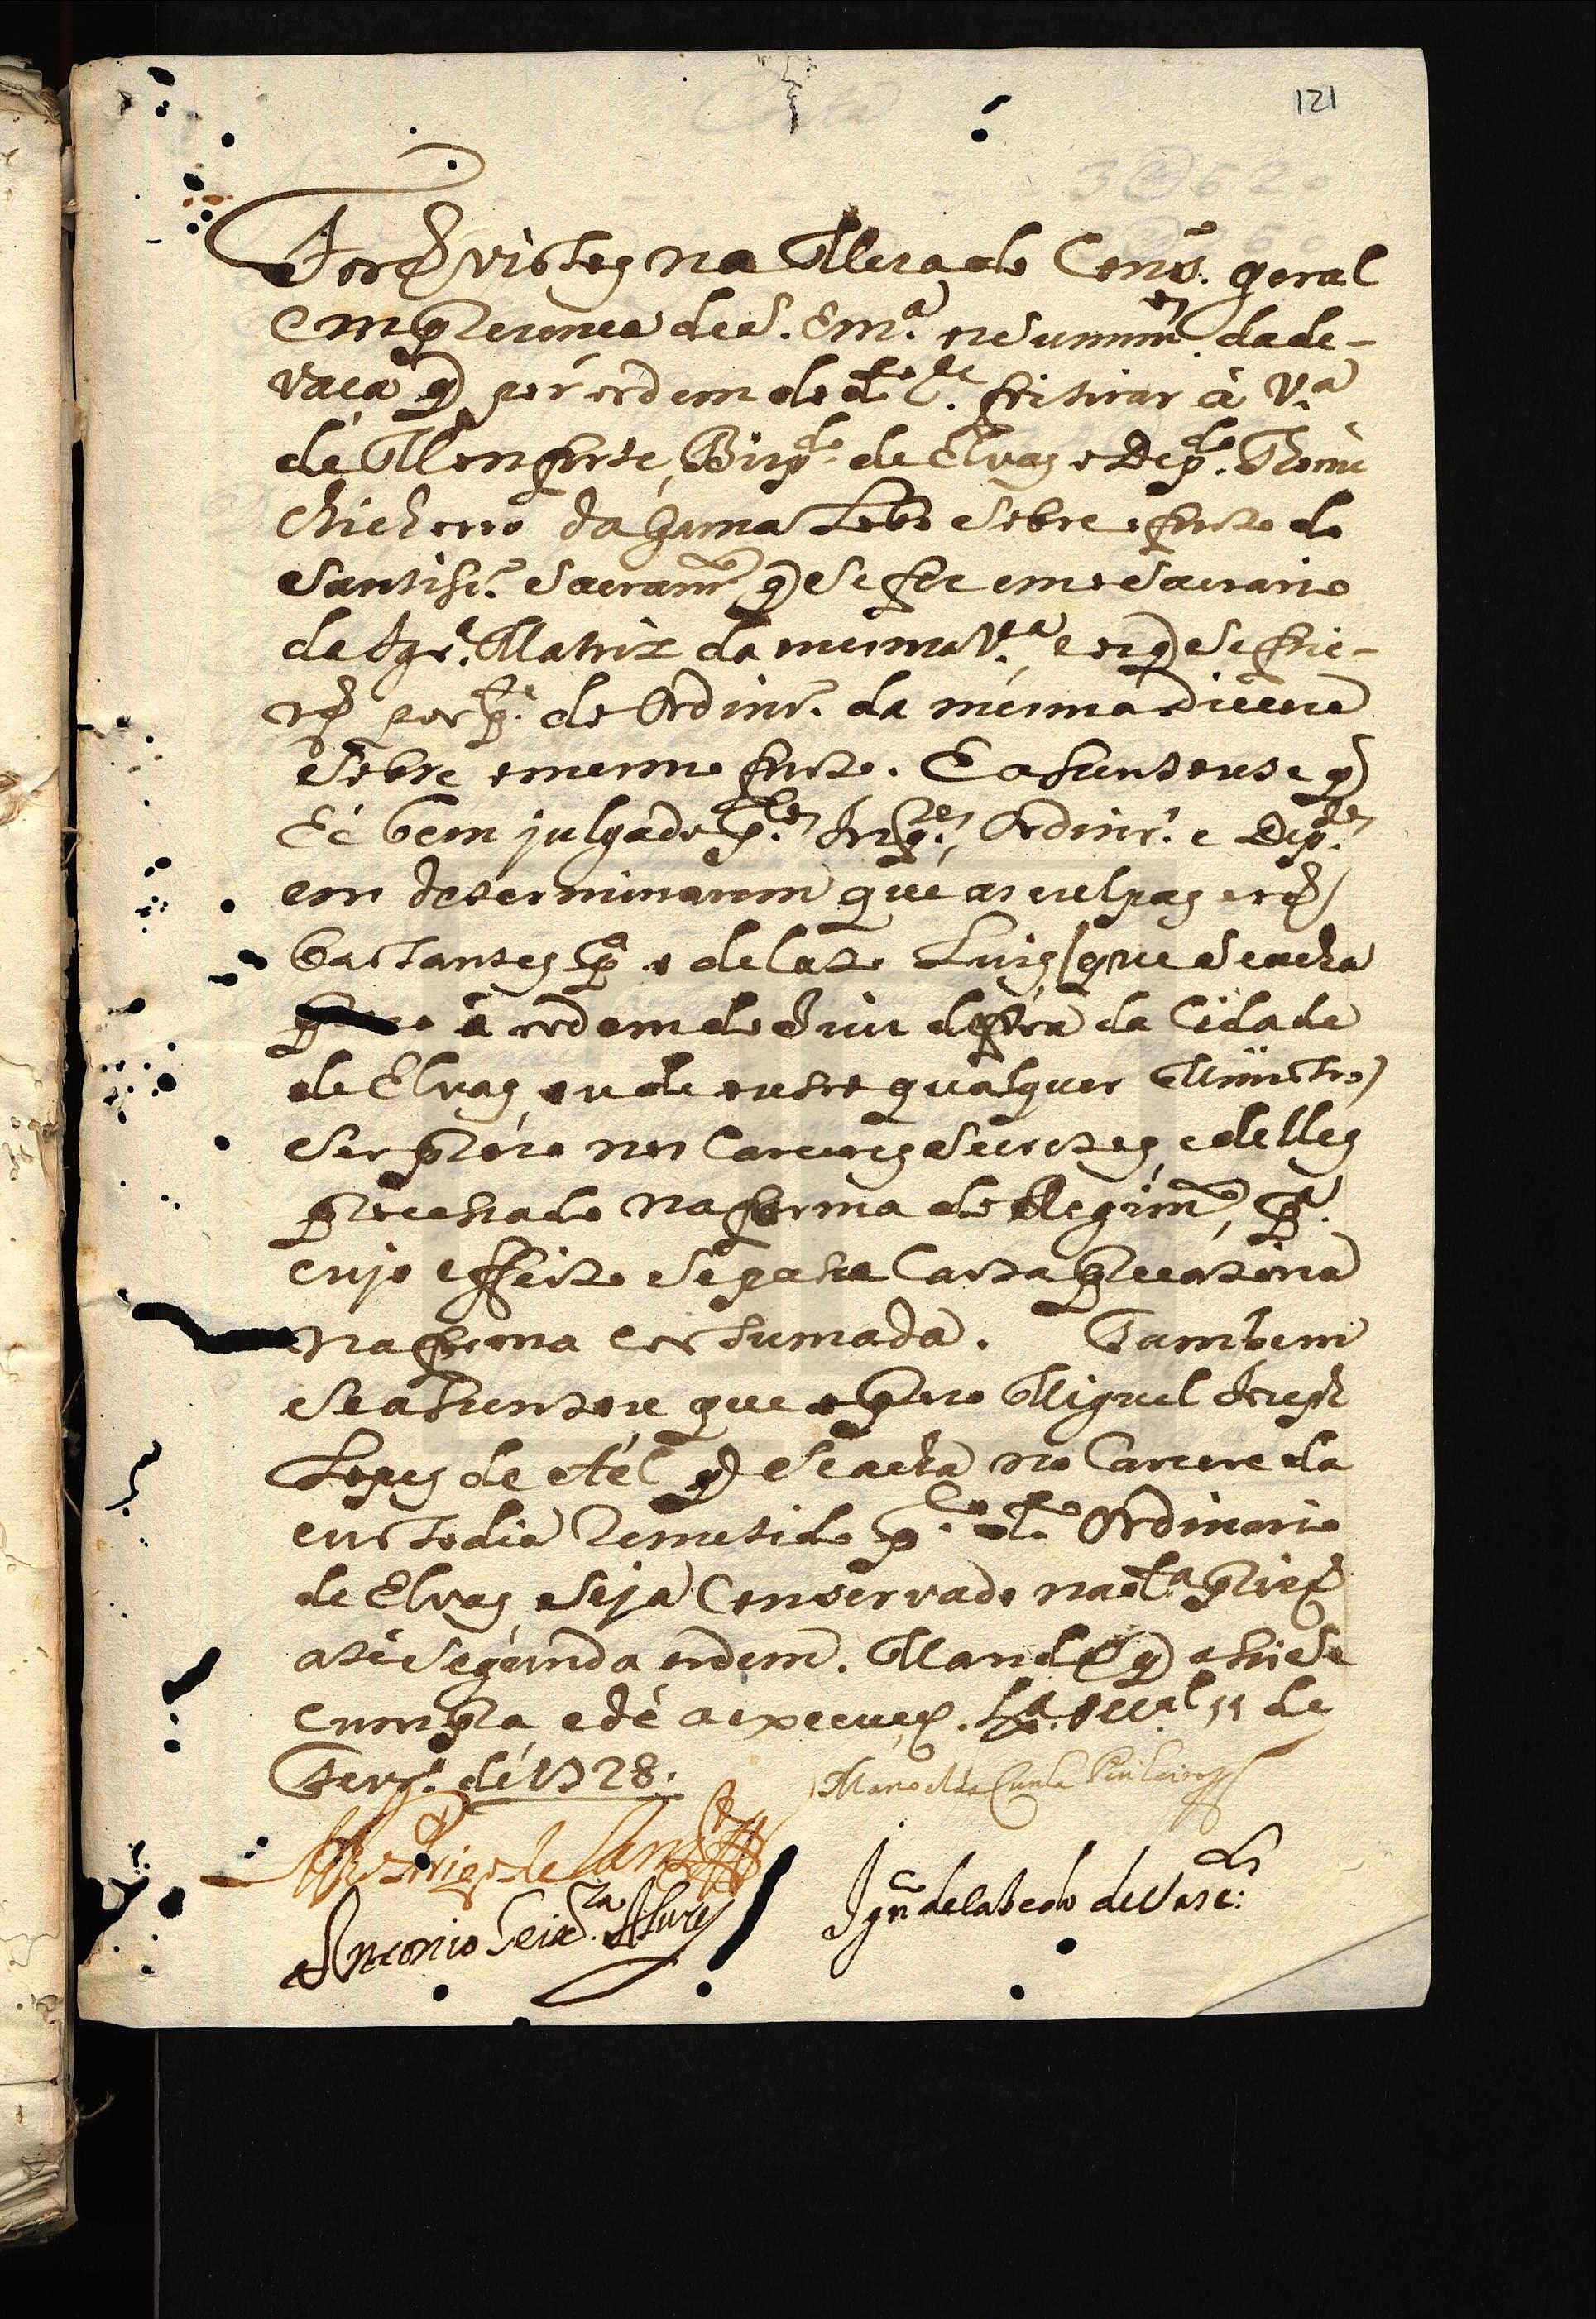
Foraõ vistos na Meza do Cons.o geral
em pRezença de S. Em.a no summr.o da de
vaça q̄ por ordem do d̄.o P.e foi tirar á V.a
de Monforte, Bisp.o de EIvas o Dep.do Thomé
Chichorro da Gama Lobo sobre o furto do
Santiss.o Sacramto q̄ Se fez em o Sacrario
da Igr.a Matriz da mesma V.a, e os q̄ Se fize
raõ por p̄te. do Ordinr.o da mesma dicera
Sobre o mesmo furto. E assentouse q̄
hé bem julgado p.los Inq.res, Ordinr.os e Dep.dos
em determinarem que as culpas eraõ
bastantes pa o delato Luis / que se acha
pRezo á ordem do Iuiz de fora da Cidade
de Elvas, ou de outro qualquer Ministro)
ser pRezo nos Carceres Secretos, e delles
pRocessado na forma do Regimto, pa.
cujo effeito se passa Carta pRecatoria
na forma costumada. Tambem
se assentou que o pRezo Miguel Iozeph
Lopes de Aél q̄ Se acha no Carcere da
custodia Remetido p.lo d̄.o Ordinario
de Elvas seja conservado na d̄.a pRizaõ
até Segunda ordem. Mandā q̄ ahi Se
cumpRa e dé a execuçaõ. Lxa. occ.al 11 de
Manoel da Cunha Pinheiro
Fevr.o de 1728.
Ignco de Cabedo de Vasc:los
Rodrigo de lantre
Antonio Teix.ra Alures
